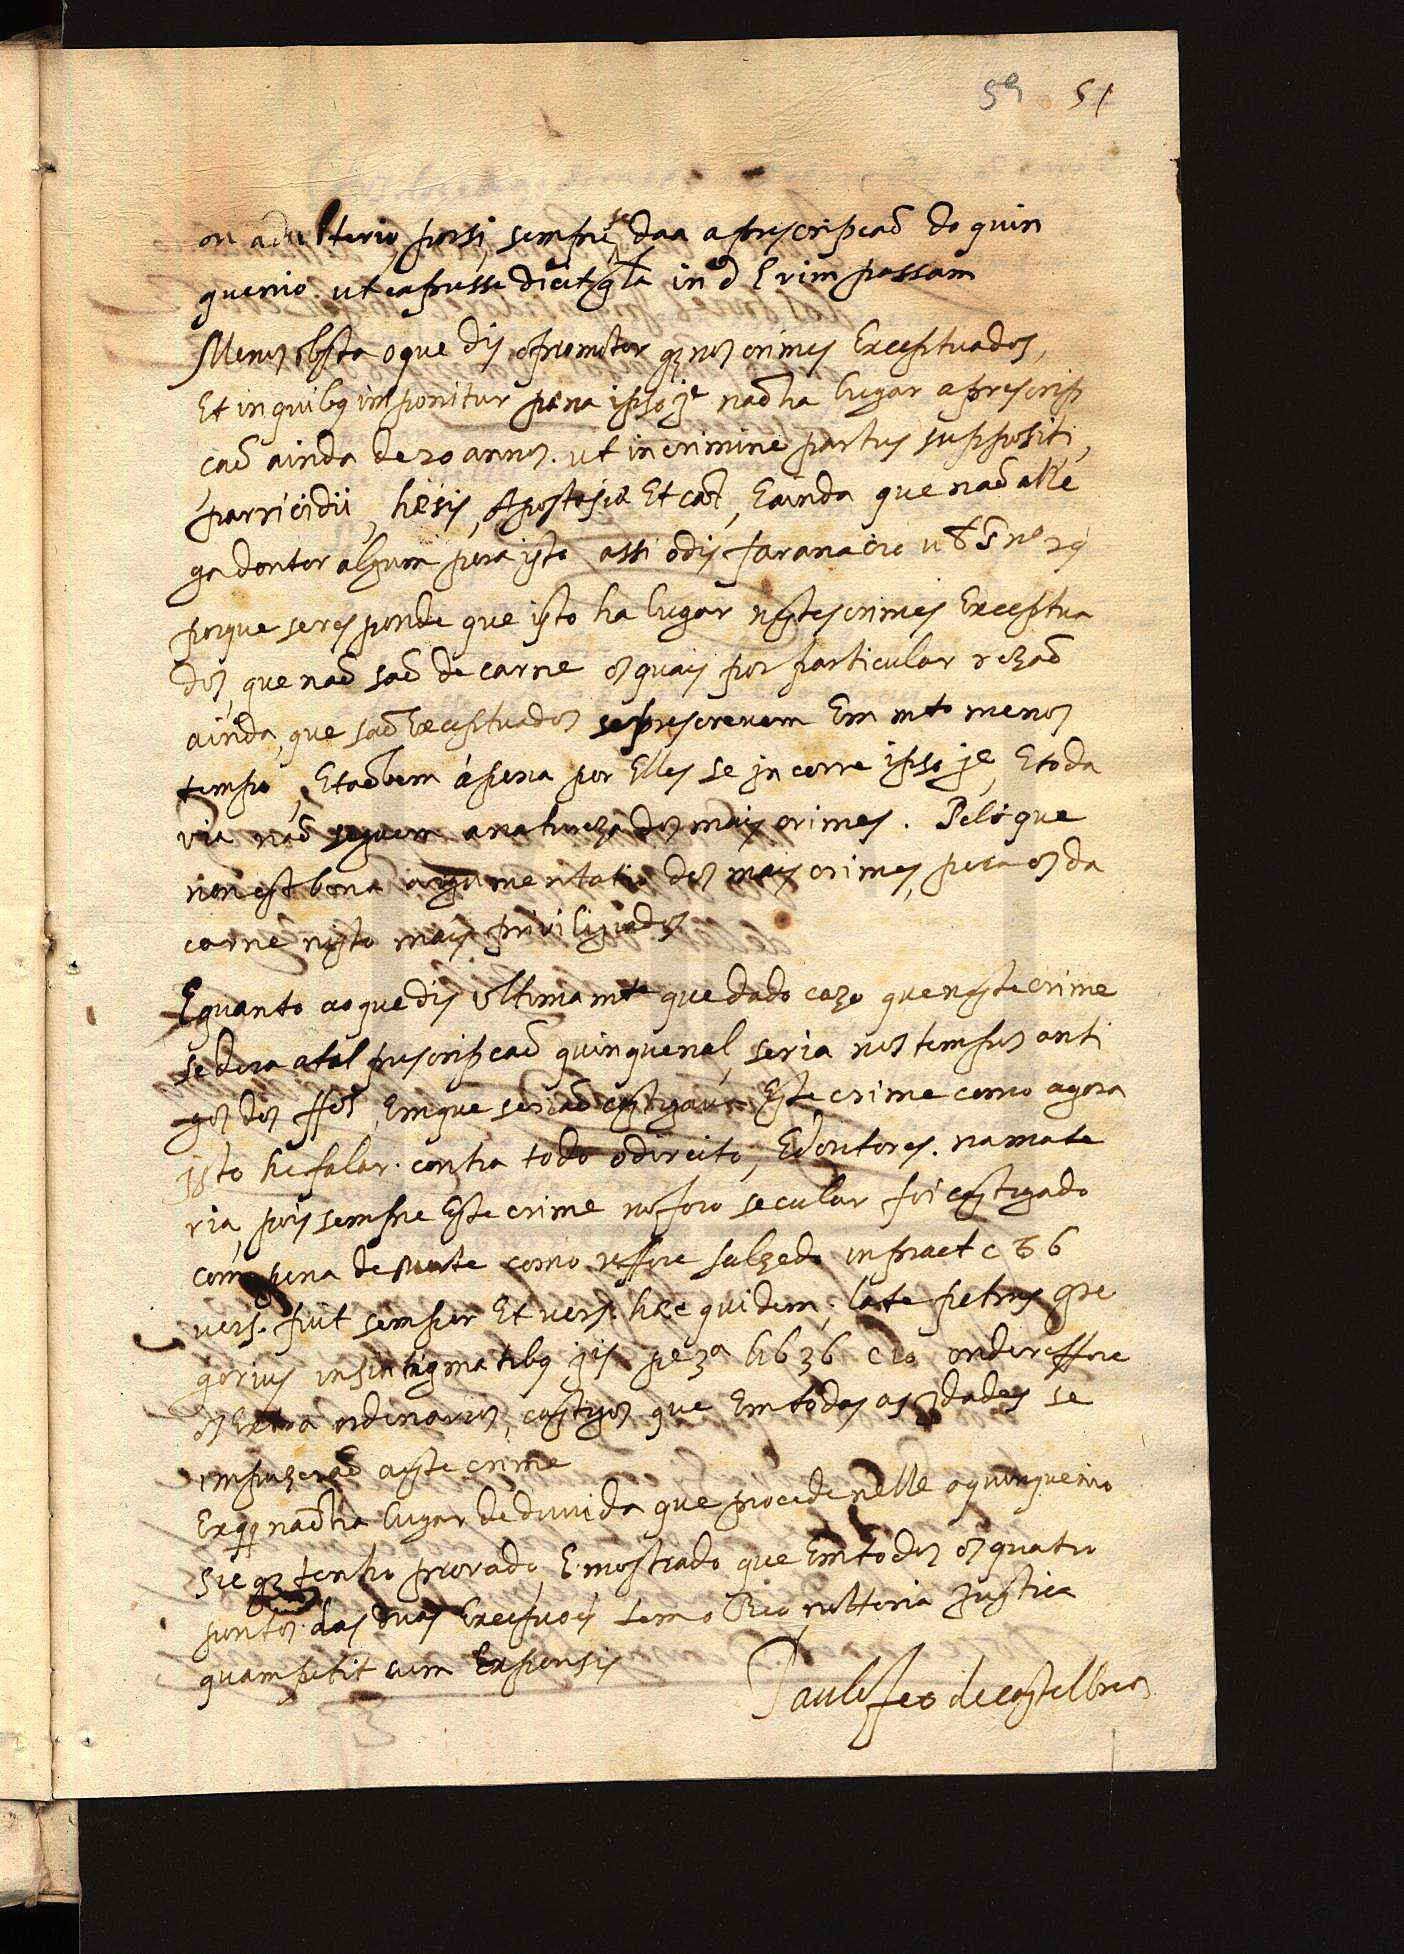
51
ou adulterio, por si, sempre se daa a prescripçaõ do quin
quenio ut capusse dicit gl̄a in d Erim passam
Menos obsta o que dis o promotor qꝫ nos crimes Exceptuados,
Et in quibꝯ imponitur pæna ipso je naõ ha lugar a prescrip
çaõ ainda de 20 annos. ut in crimine partus suppositi,
parricidii, hæsis, Apostasiæ Et cast, E ainda que naõ alle
ga doutor algum pera isto assi o dis farana oie ut s̄ no 29
porque se responde que isto ha lugar nestes crimes Exceptua
dos que naõ saõ de carne os quais por particular rezaõ
ainda, que saõ de Exceptuados se prescreuem Em mto menos
tempo, E taõbem a pena por Elles se jncorre ipso je, E toda
via naõ seguem a natureza dos mais crimes. Pelo que
non est bona argumentatio dos mais crimes, pera os da
carne nisto mais priviligiados
E quanto ao que dis ultimamte que dado cazo que neste crime
se dera a tal prescripçaõ quinquenal, seria nos tempos anti
gos dos ffos, Em que se não castigaua Este crime como agora
jsto he falar contra todo o direito, E doutores na mate
ria, pois sempre Este crime no foro secular foi castigado
com pena de morte como se ffose julgado in pract c 86
uers. fuit semper Et uerse hæc quidem late petrus gre
gorius in sintagma tibꝯ jis peza lib 36 c 10 onde reffere
os Extraordinarios, castigos que Em todas as idades se
impuseraõ a este crime
Exꝗꝗ naõ ha lugar de duuida que procede nelle o quinquenio
sic qꝫ tenho provado, E mostrado que em todos os quatro
juntos das duas Excepçoẽs tem o Reo nottoria Justiça
quam petit cum Expensis
Paulo feo de castel brco
